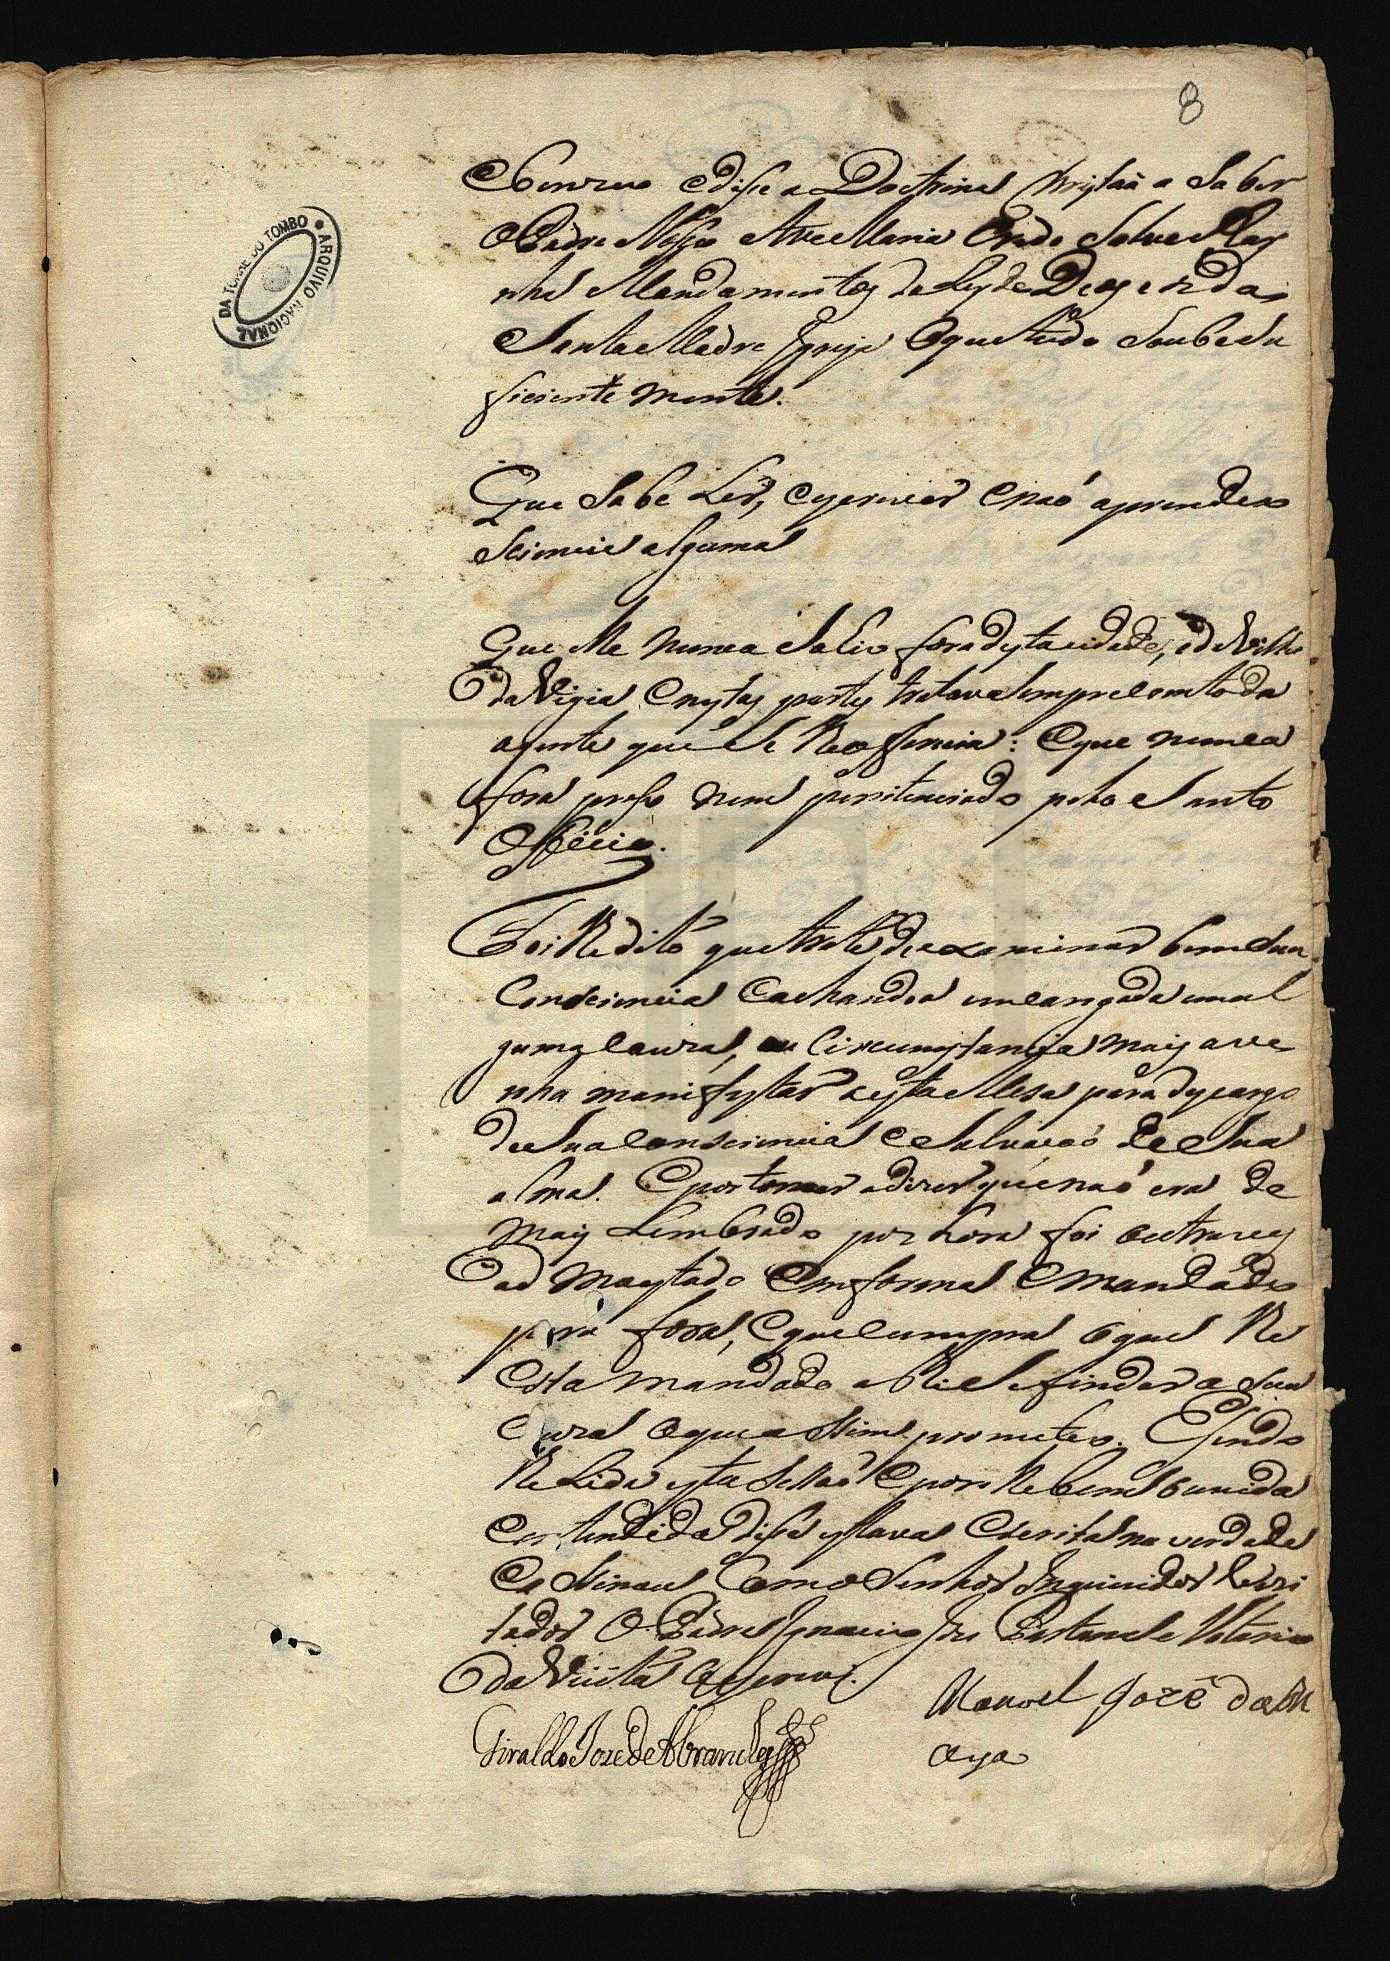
e benzeo e disse a Doctrina Christaã a Saber
O Padre Nosso Ave Maria Credo Salve Ray
nha Mandamentos da Ley de Deos e os da
Santa Madre Igreja O que tudo soube su
ficientemente.
Que sabe Ler, e escrever e naõ aprendeo
sciencia alguma
Que elle nunca sahio fora desta cidade, e da Villa
da Vigia e nestas partes tratou sempre com toda
a gente que se lhe offerecia: e que nunca
fora preso nem penitenciado pelo Santo
Officio.
Foilhe dito que trate de examinar bem Sua
Consciencia e achandoa emcaregada em al
guma cauza, ou Circunstancia mais a ve
nha manifestar a esta Mesa para descargo
de Sua consciencia e Salvaçaõ de Sua
alma. e por tornar a dizer que naõ era de
mais Lembrado por hora foi outra ues
admoestado em forma e mandado
p_ra fora, e que cumpra o que lhe
esta mandado athi se findar a sua
c_uza o que assim prometeo. E sendo
lhe Lida esta Sessaõ e por elle bem ouvida
e entendida disse estava escrita na verdade
e assinou Com o Senhor Inquizidor Vesi
tador O Padre Ignacio Joze Pastana Notario
da Visita o escrevi.
Manoel Jozê da M
Giraldo Ioze de Abranches
aya
